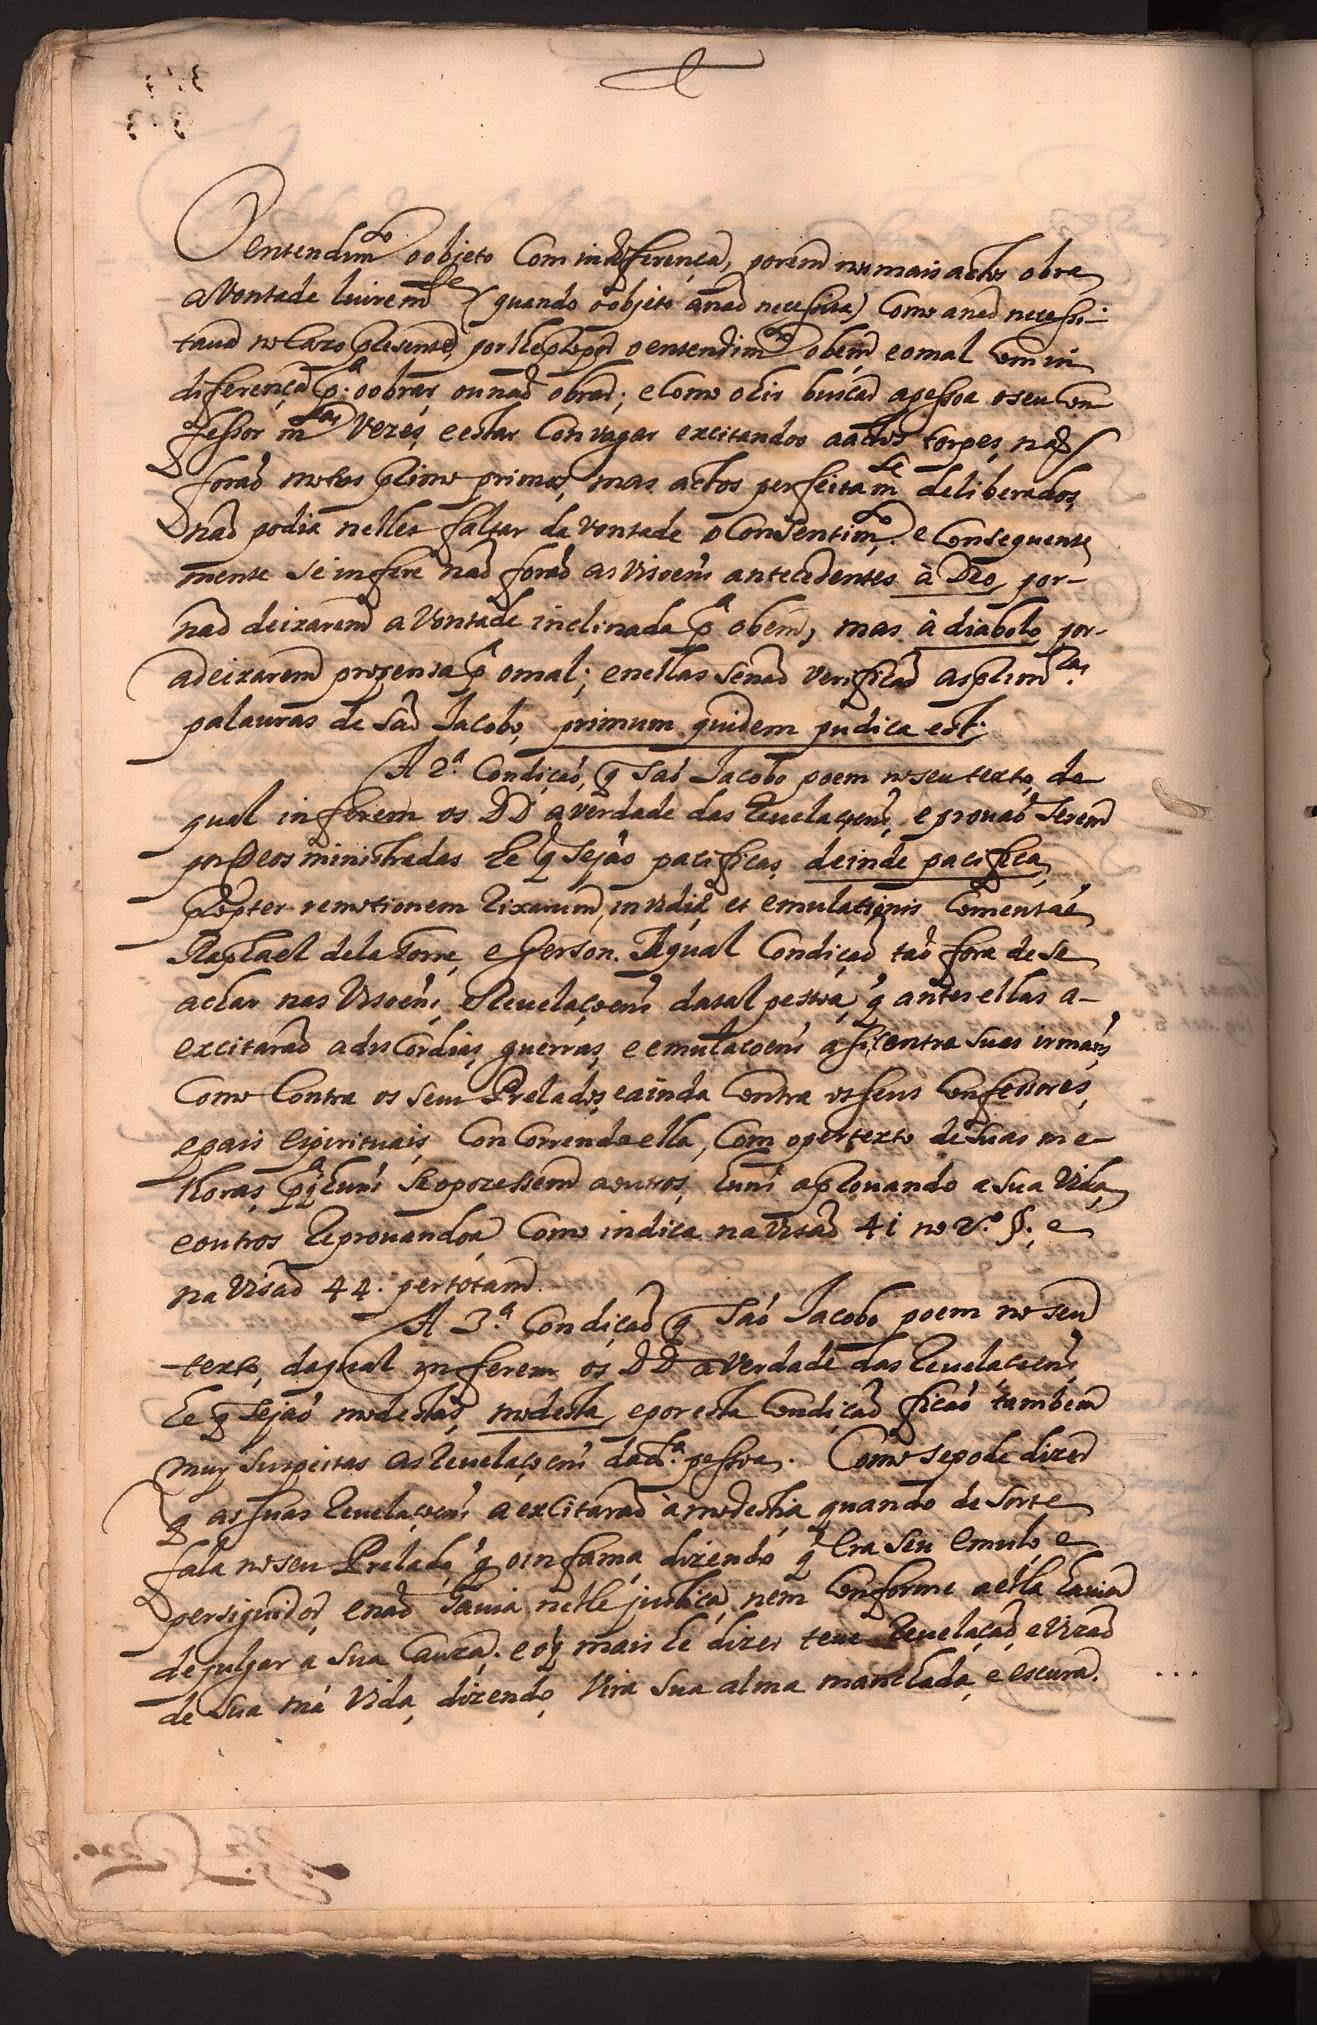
O entendim.to o objeto Com indiferença, porem nos mais actos obra
a vontade liuremte (quando o objeto a naõ necessita) Como a naõ necessi
taua no Cazo pResente, por lhe pRopor o entendimto o bem, e o mal com in
diferença p.a o obrar, ou naõ obrar; e como o hir buscar a pessoa o seu Con
fessor mtas vezes, e estar Con vagar excitandoo a actos torpes, naõ
foraõ motos pRimo primos, mas actos perfeitamte deliberados,
não podia nelles faltar da vontade o Consentimto, e Consequente
mente se infere naõ foraõ as visoens antecedentes à Deo, por
naõ deixarem a vontade inclinada pa o bem, mas à diabolo, por
a deixarem propensa pa o mal; e nellas se naõ verificaõ as pRim.ras
palauras de Saõ Iacobo, primum quidem judica est.
A 2.a Condiçaõ, q̄ saõ Iacobo poem no seu texto, da
qual inferem os DD a verdade das Reuelaçoens, e prouaõ serem
por Deos ministradas he q̄ sejão pacificas, deinde pacifica,
pRopter remotionem Rixarum, invidiæ et emulationis comentaõ
Raphael de la Torre, e Gerson. A qual Condiçaõ taõ fora de se
achar nas Visoens, e Reuelaçoens da tal pessoa, q̄ antes ellas a
excitaraõ a discordias, guerras, e emulaçoens asi contra suas irmans
Como Contra os seu Prelados, e ainda Contra os seus Confessores,
e pais espirituais, ConCorrendo ella, Com o pertexto de suas me
lhoras, pa q̄ huns se opozessem a outros, huns apRouando a sua vida,
e outros Reprouandoa, Como indica na visaõ 41 no 2.o §; e
na visão 44. per totam.
A 3.a Condiçaõ q̄ saõ Iacobo poem no seu
texto, da qual inferem os DD a verdade das Reuelaçoens,
he q̄ sejaõ modestas, modesta, e por esta Condiçaõ ficaõ tambem
muy suspeitas as Reuelaçoens da d̄a pessoa. Como se pode dizer
q̄ as suas Reuelaçoens a excitaraõ à modestia, quando de sorte
fala no seu Prelado, q̄ o infama, dizendo q̄ Era seu Emulo, e
persiguidor, e naõ hauia nelle justiça, nem Conforme a ella hauia
de julgar a sua Cauza; e o q̄ mais he dizer teue Reuelaçaõ, e vizaõ
de sua má Vida, dizendo, vira sua alma manchada, e escura.
